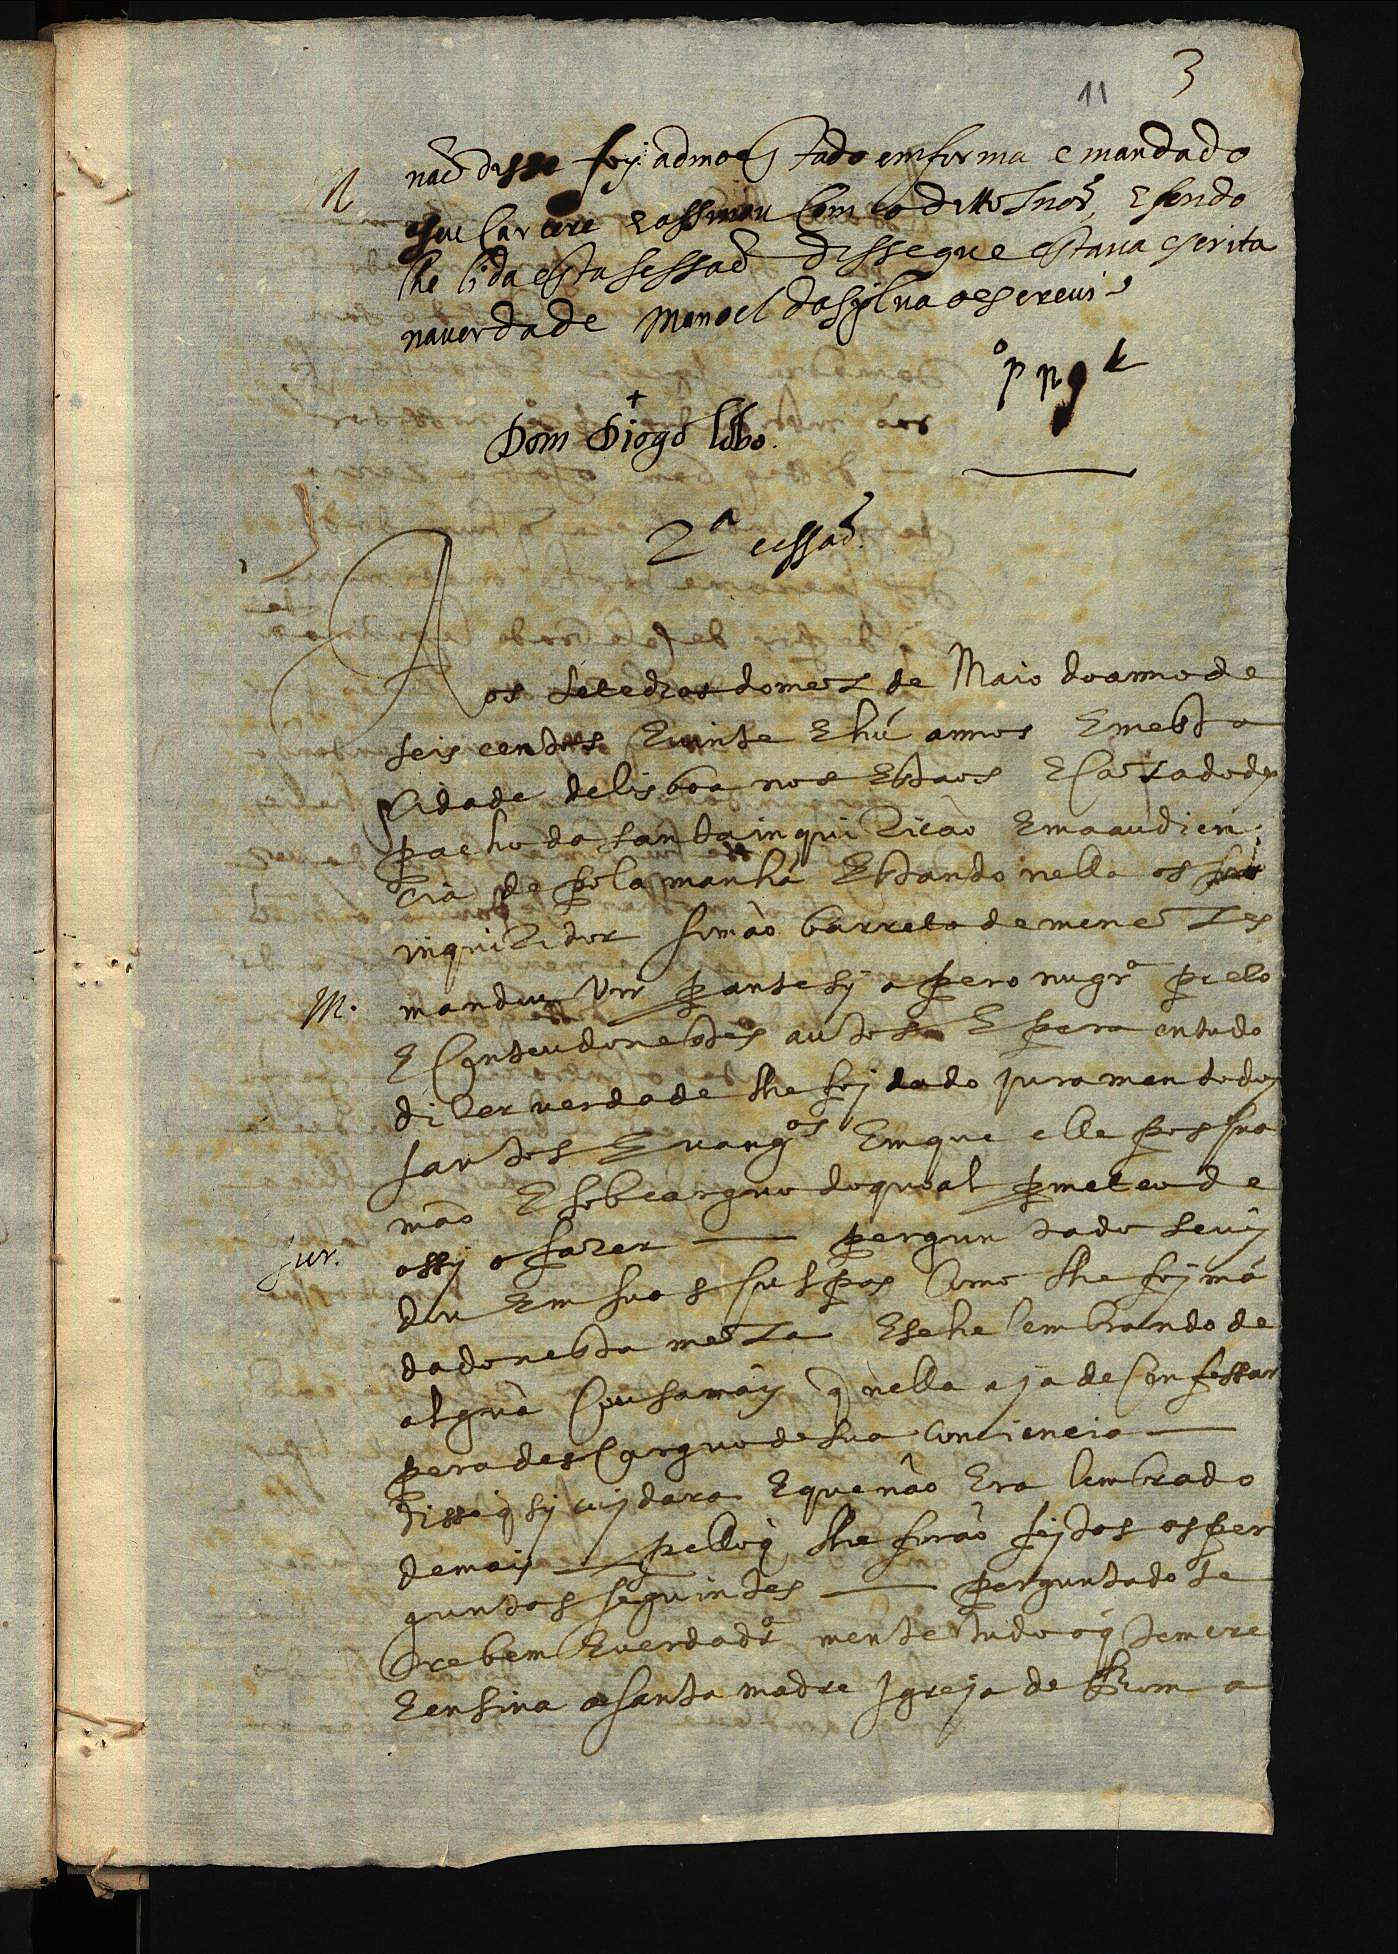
naõ disse foy admoestado em forma e mandado
a seu Carcere E assinou Com o ditto Snor̄, E sendo
lhe lida esta sessaõ disse que estaua escrita
na uerdade manoel da sylua o escreui
po ngr
Dom Diogo lobo
2a cessaõ
Aos sete dias do mez de Maio do anno de
seiscentos E uinte E hū annos Em esta
Cidade de lisboa nos Estaos E Caza do des
pacho da santa inquiziçaõ Em a audien
cia de pola manhā Estando nella os sor_
inquizidor simaõ barreto de menezes
mandou vir ꝑante sy a pero nugra preso
m.
E Conteudo nestes autos E pera en tudo
dizer uerdade lhe foj dado juramento dos
santos Euangos Em que elle pos sua
mão E sob carguo do qual ꝓmeteo de
assy o fazer - perguntado se cuj
Jur.
dou Em suas Culpas como lhe foj mā
dado nesta meza E se he lembrando de
alguā Cousa mais q̄ nella aja de Confessar
pera desCarguo de sua conciencia
disse q̄ sy cuidara E que não Era lembrado
de mais - pello q̄ lhe foraõ feitas as per
guntas seguintes - perguntado se
cre bem E uerdadramente tudo o q̄ tem cre
E ensina a santa madre Jgreja de Roma
